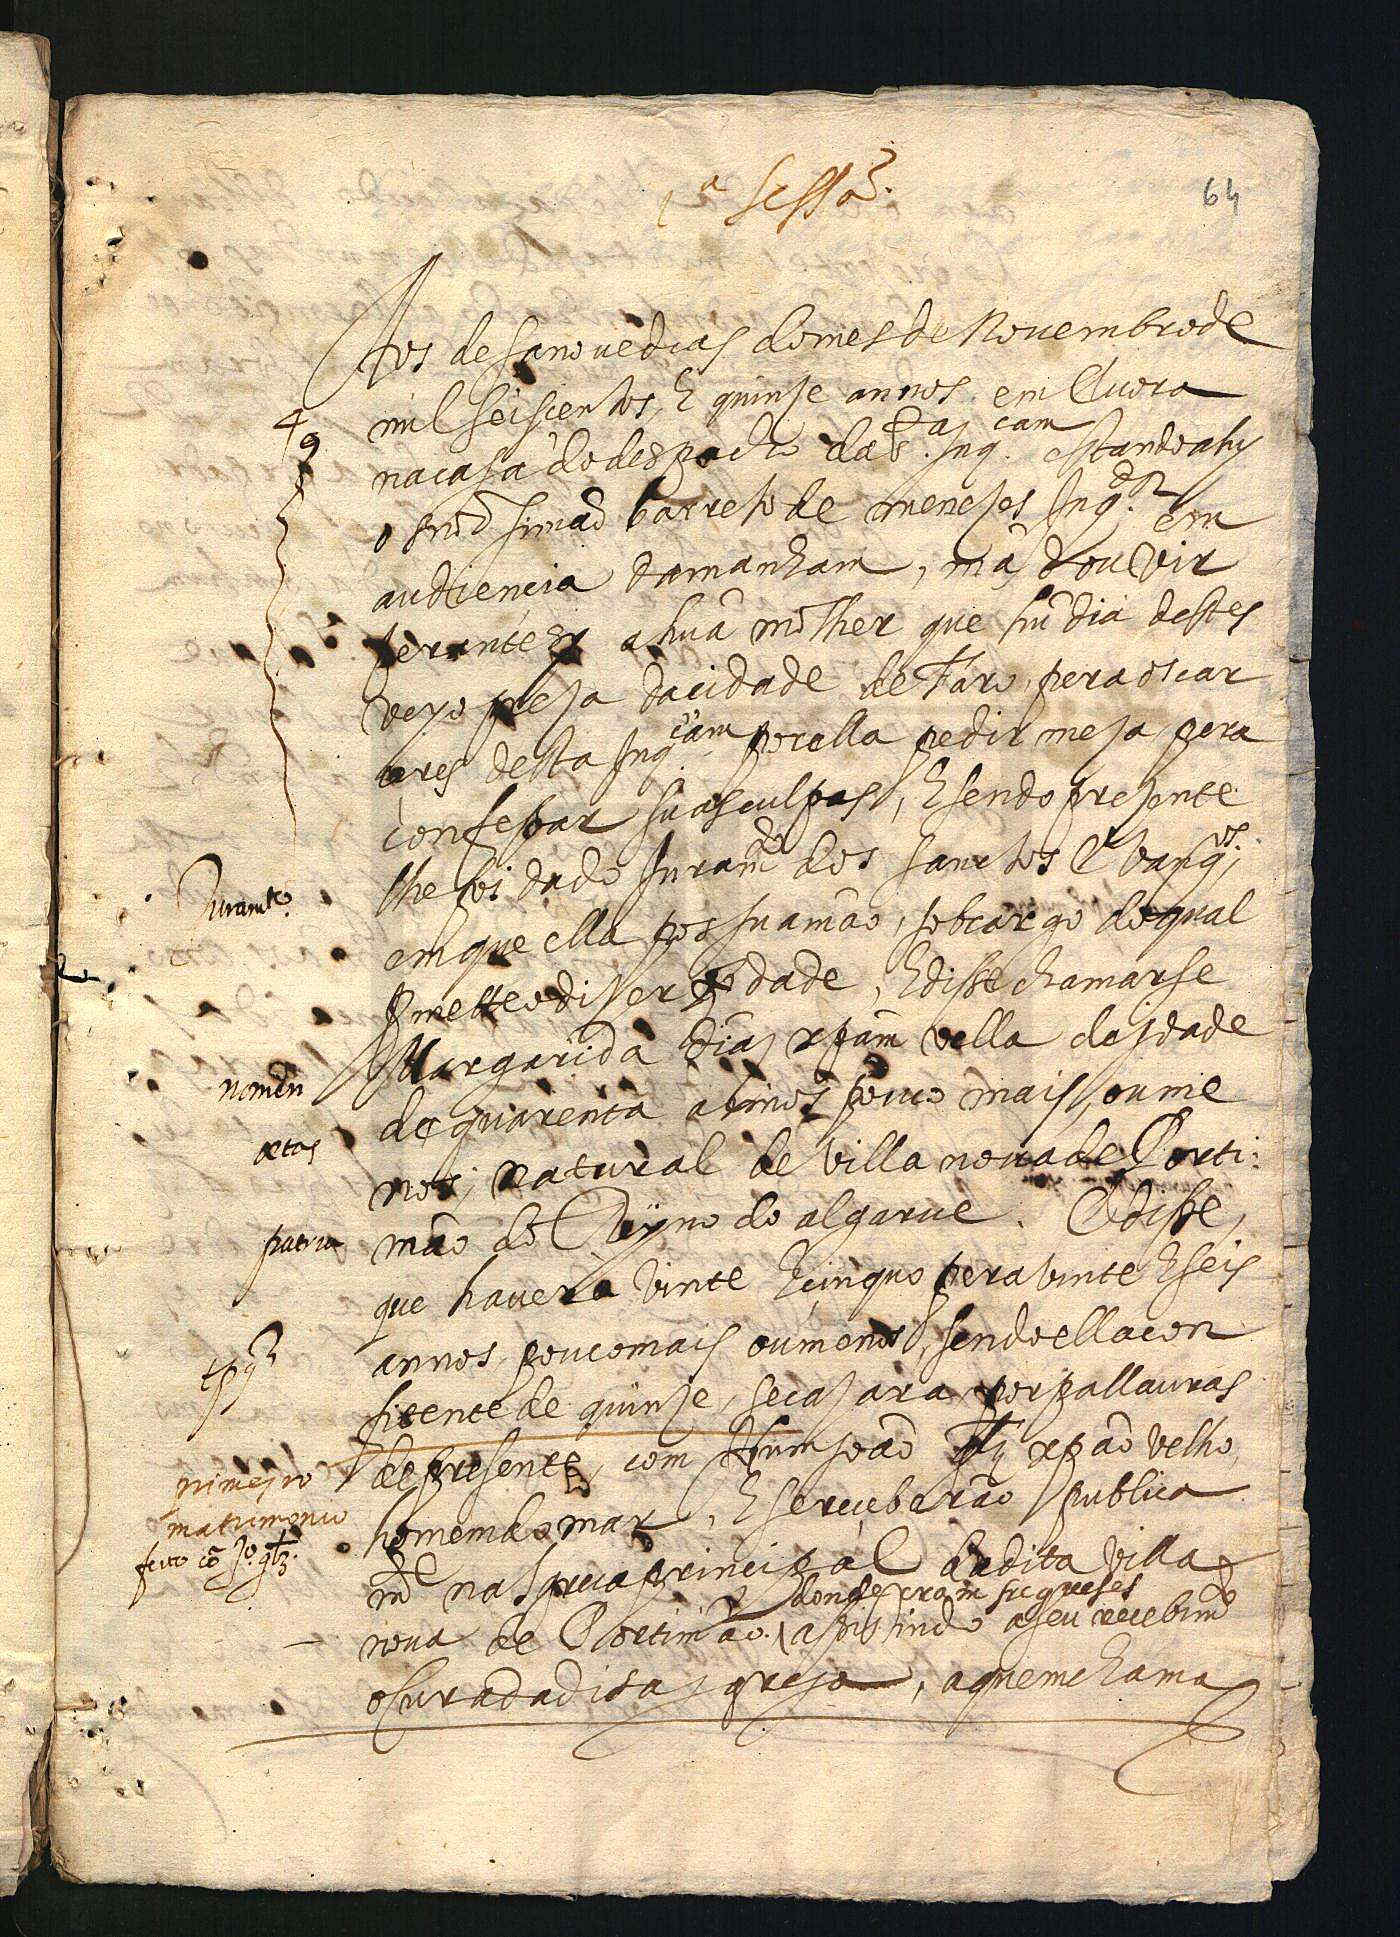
1a sessaõ.
Aos desanoue dias do mes de Nouembro de
mil seisçentos, E quinze annos em Euora
na casa do despacho da sta. Jnq.cam estando ahy
o snor̄ simaõ barreto de meneses Jnq.dor em
audiençia da manham, mādou vir
perante sy a huā molher que hū dia destes
veyo presa da çidade de Faro, pera os car
çeres desta Jnq.cam por ella pedir mesa pera
confessar suas culpas, E sendo presente
lhe foi dado Juramto dos sanctos &Vangos.,
em que ella pos sua mão, sob cargo do qual
ꝓmetteo dizer ꝟdade, E disse chamarse
Margarida dīaz xpam̄ vella de jdade
de quarenta annos pouco mais, ou me
nos; natural de villa noua de Porti
mão do Reyno do algarue. & disse,
que hauerà vinte E çinquo pera vinte E seis
annos pouco mais ou menos, sendo ella con
fitente de quinse, se casara, por pallauras
de presente, com Hum Joaõ ḡlz xpaõ velho,
homem do mar, E se reçeberão publica
mte na Jgreia prinçipal da dita villa
noua de Portimão.
donde eram fregueses
assistindo a seu recebimto
o Cura da dita jgreja, a quem chama
